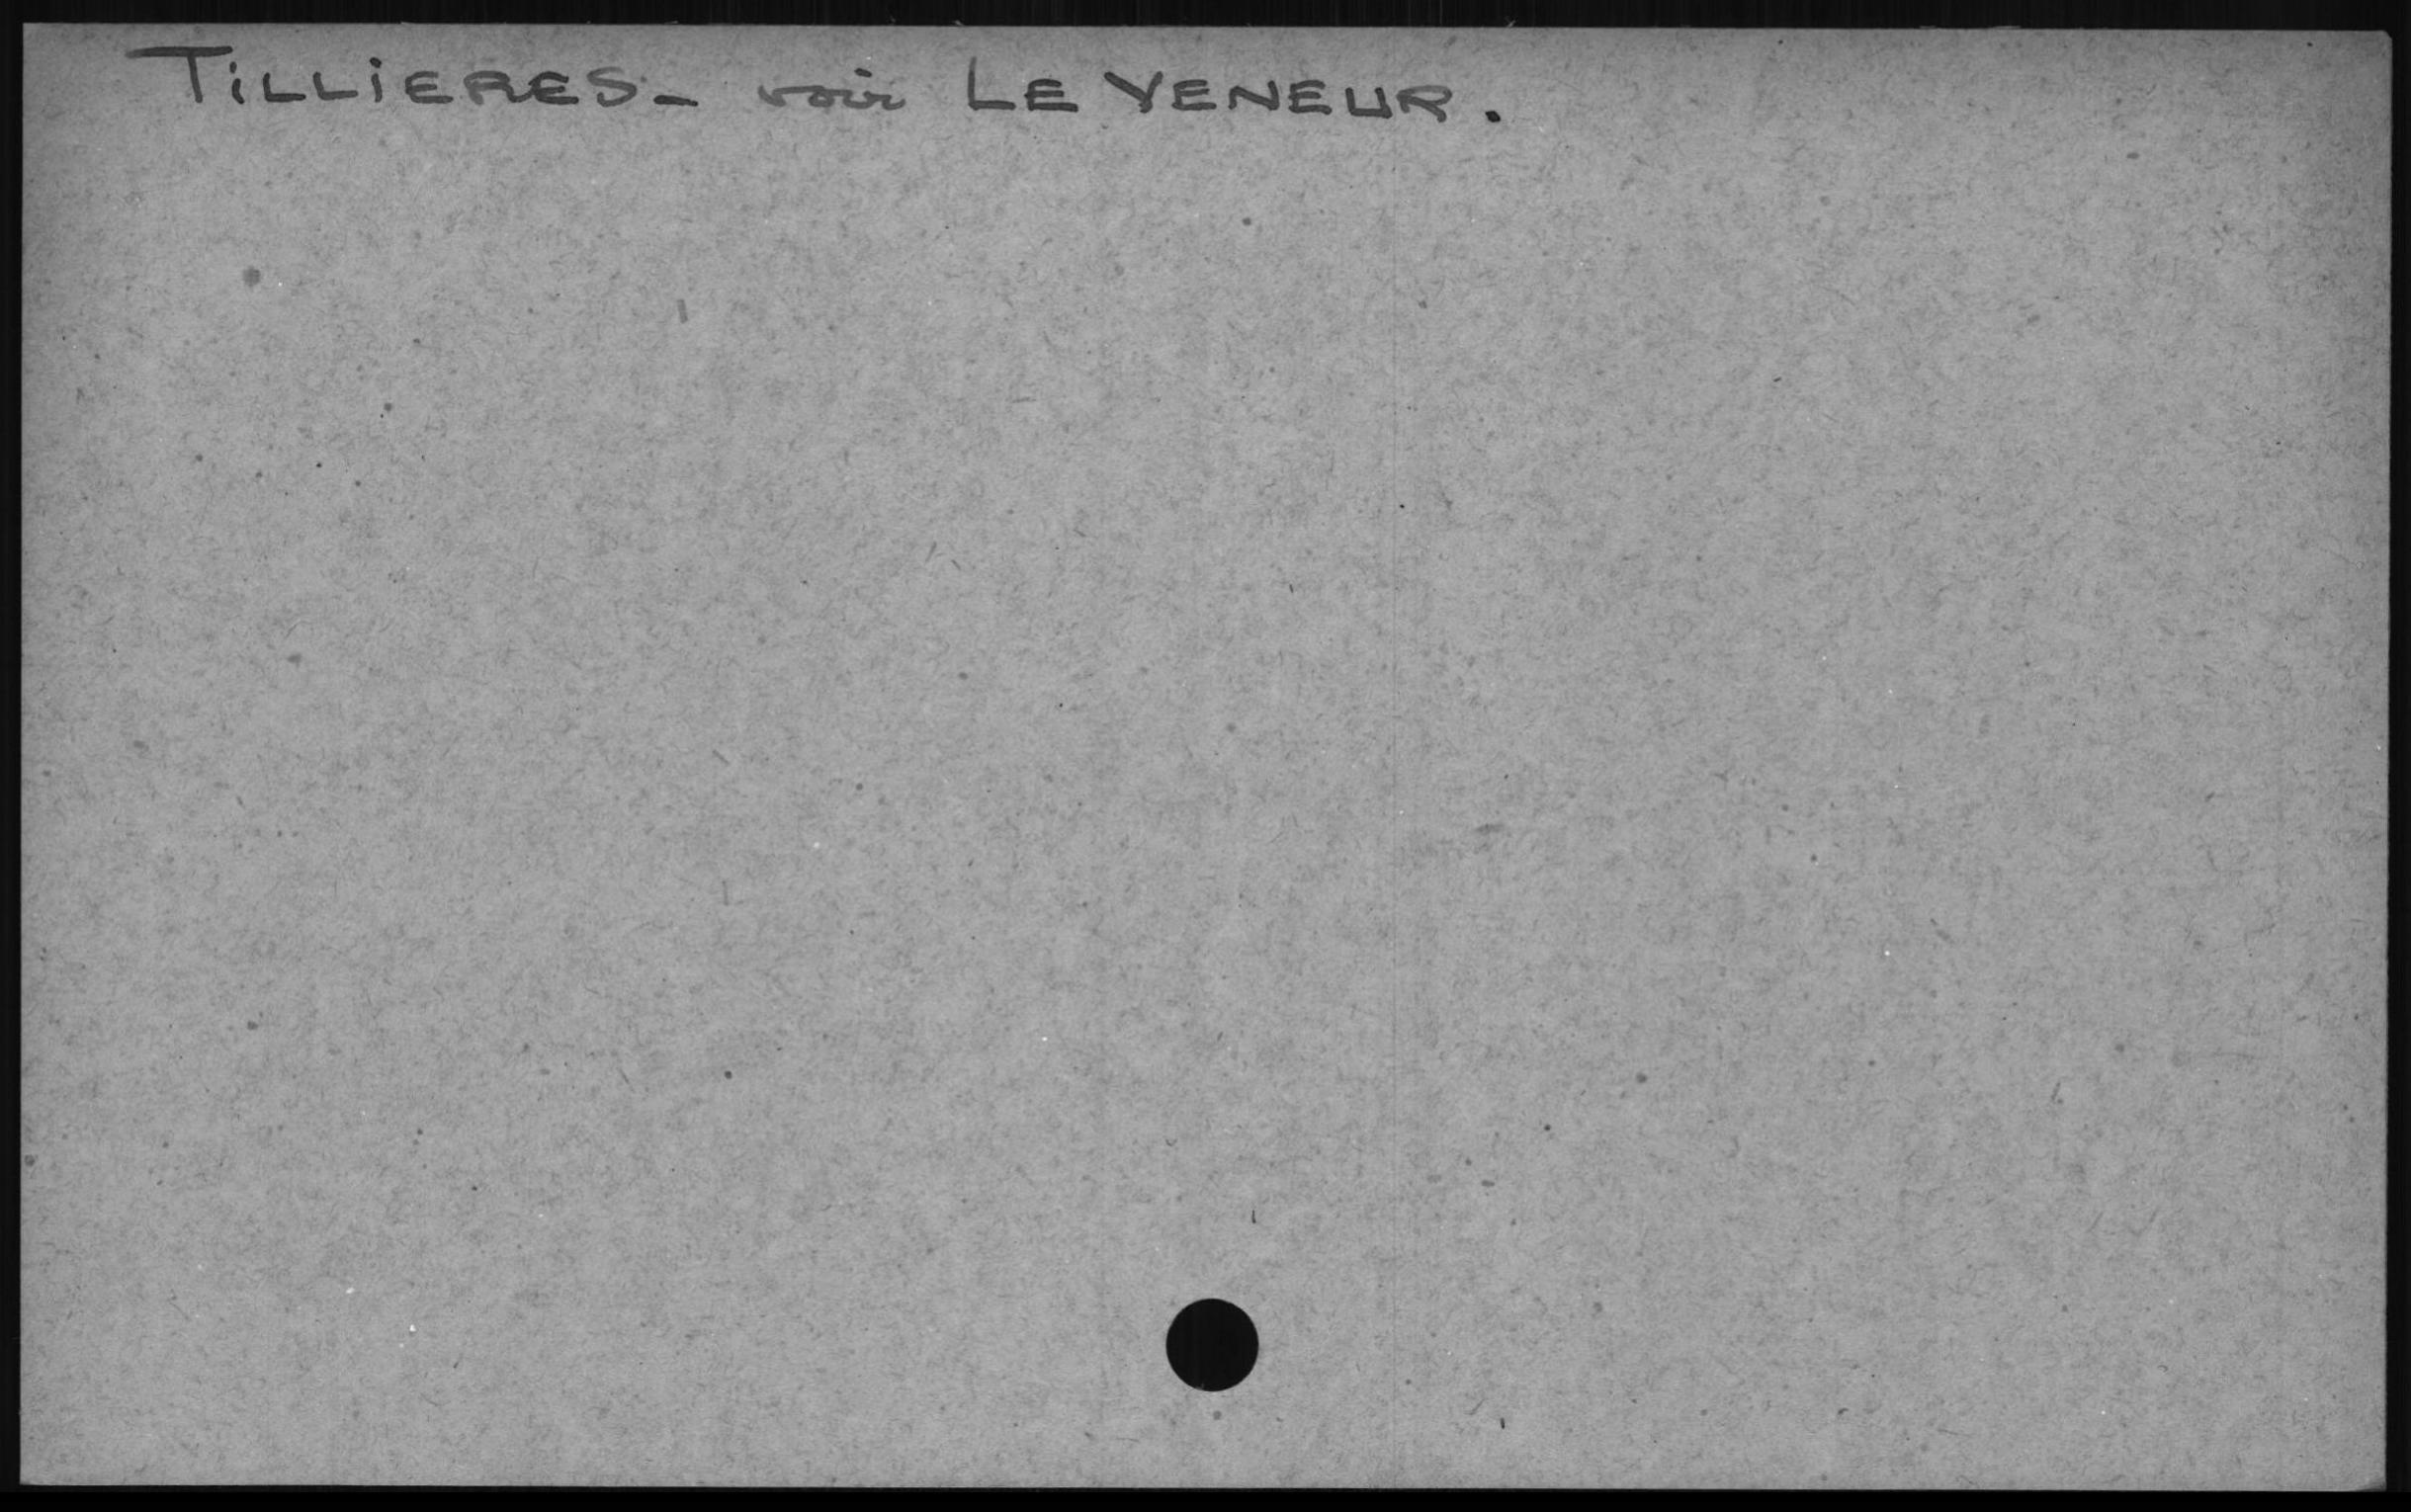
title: TILLIERES.
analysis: voir LE VENEUR.
